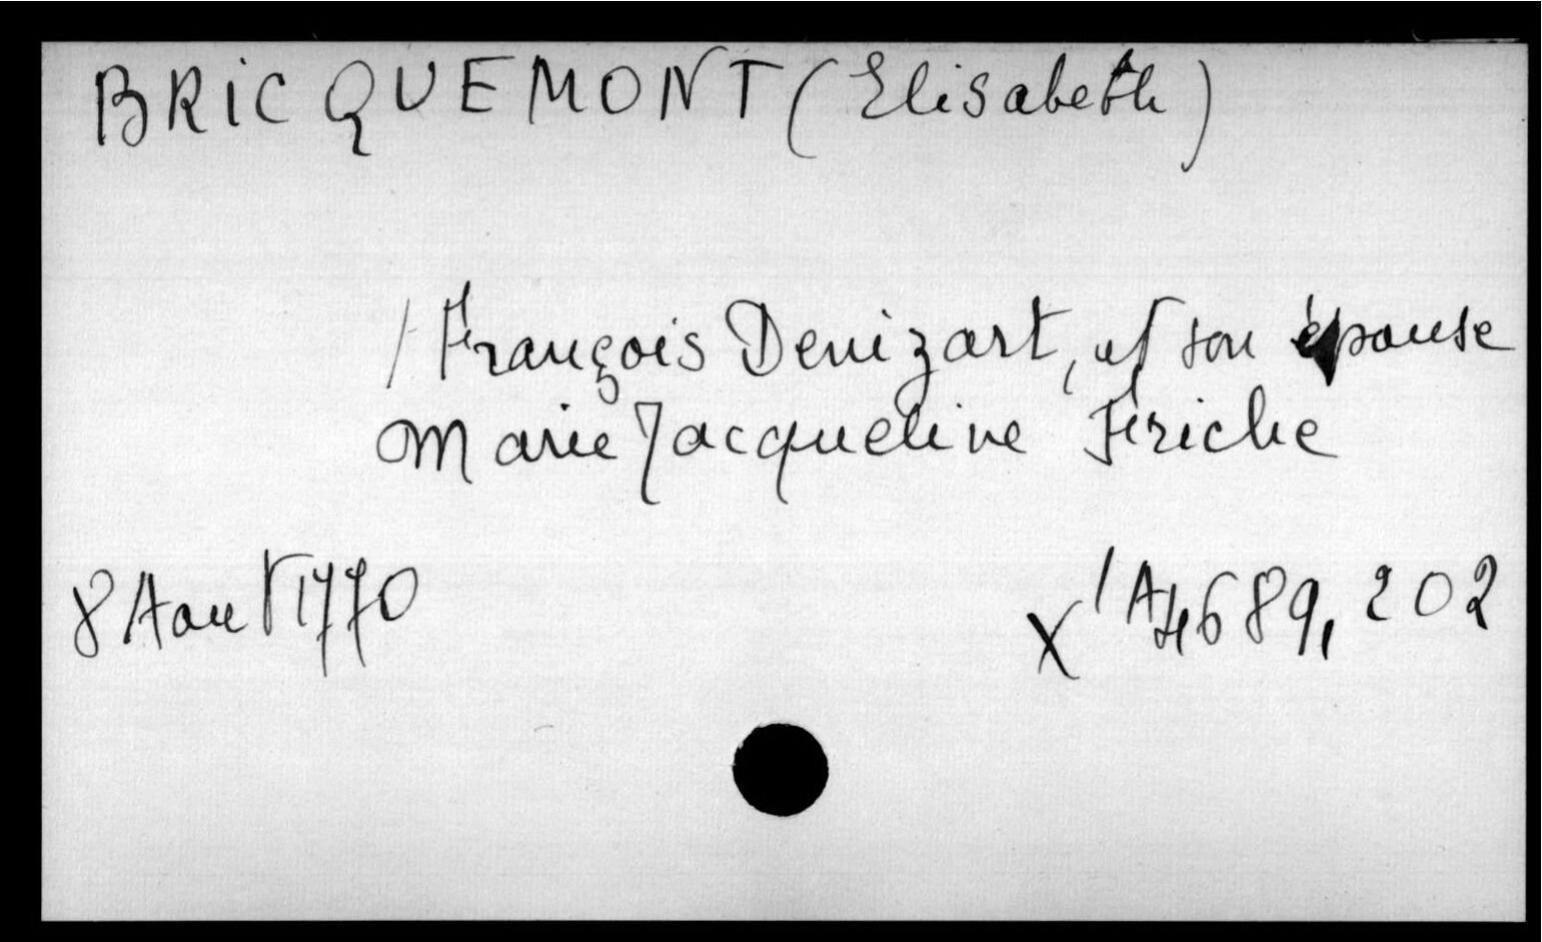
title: BRiCQUEMONT (Élisabeth)
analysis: Contre François Denizart, et son épouse Marie)Jacqueline Friche
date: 8 août 1770
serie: X1A
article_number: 4689
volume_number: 202
